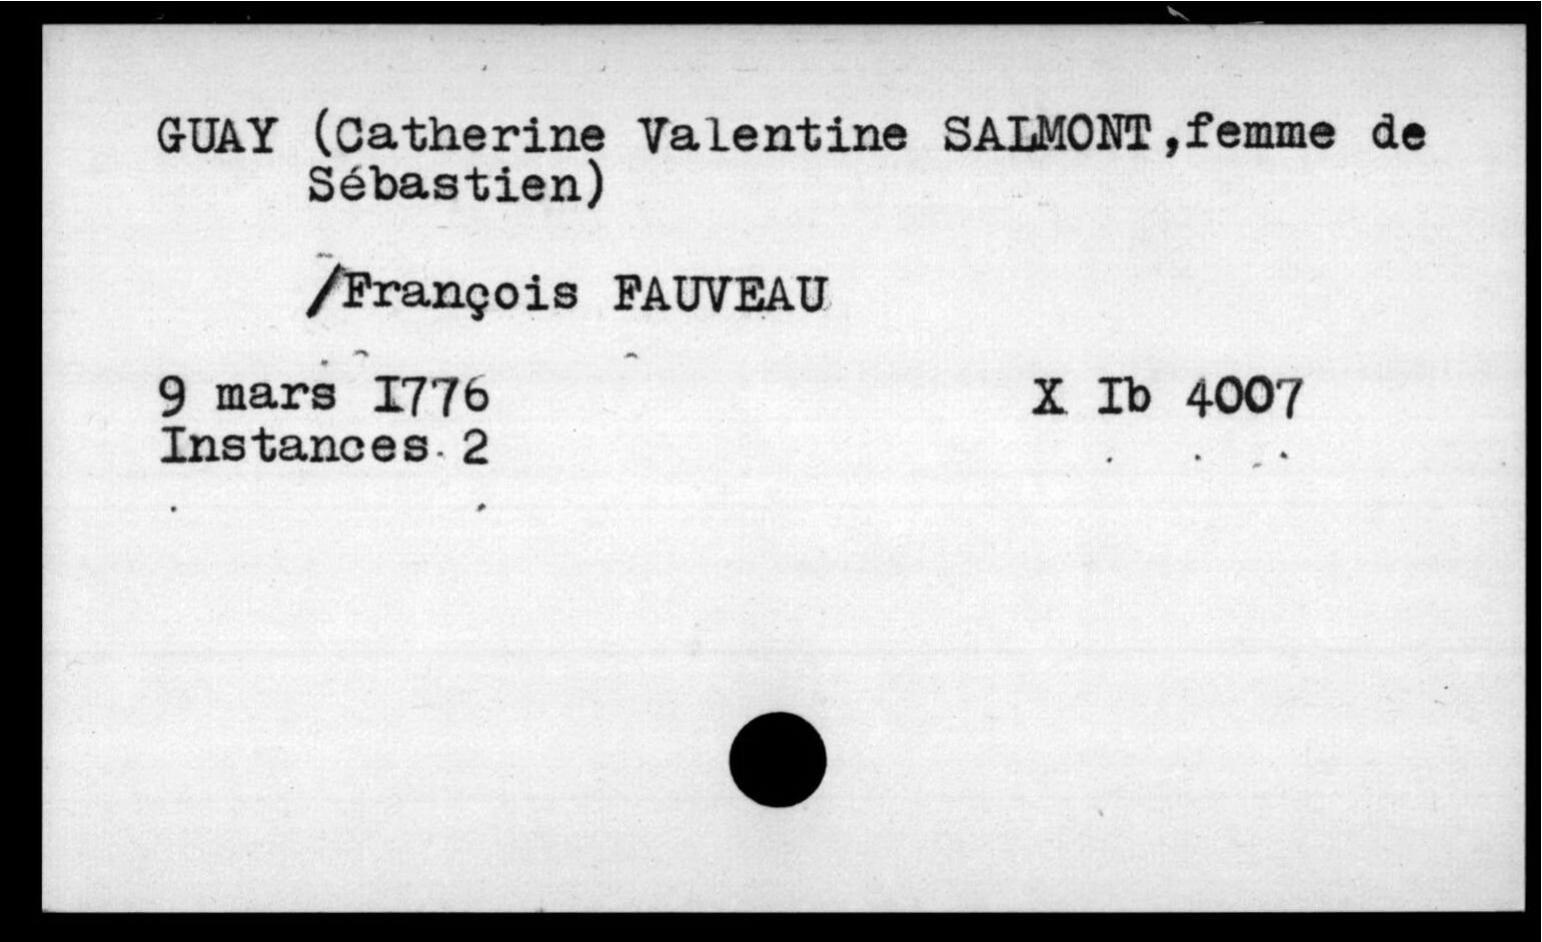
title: GUAY (Catherine Valentine SALMONT, femme de Sébastien)
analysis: Contre François FAUVEAU
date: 9 mars 1776
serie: X1b
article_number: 4007
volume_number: Instances, 2
